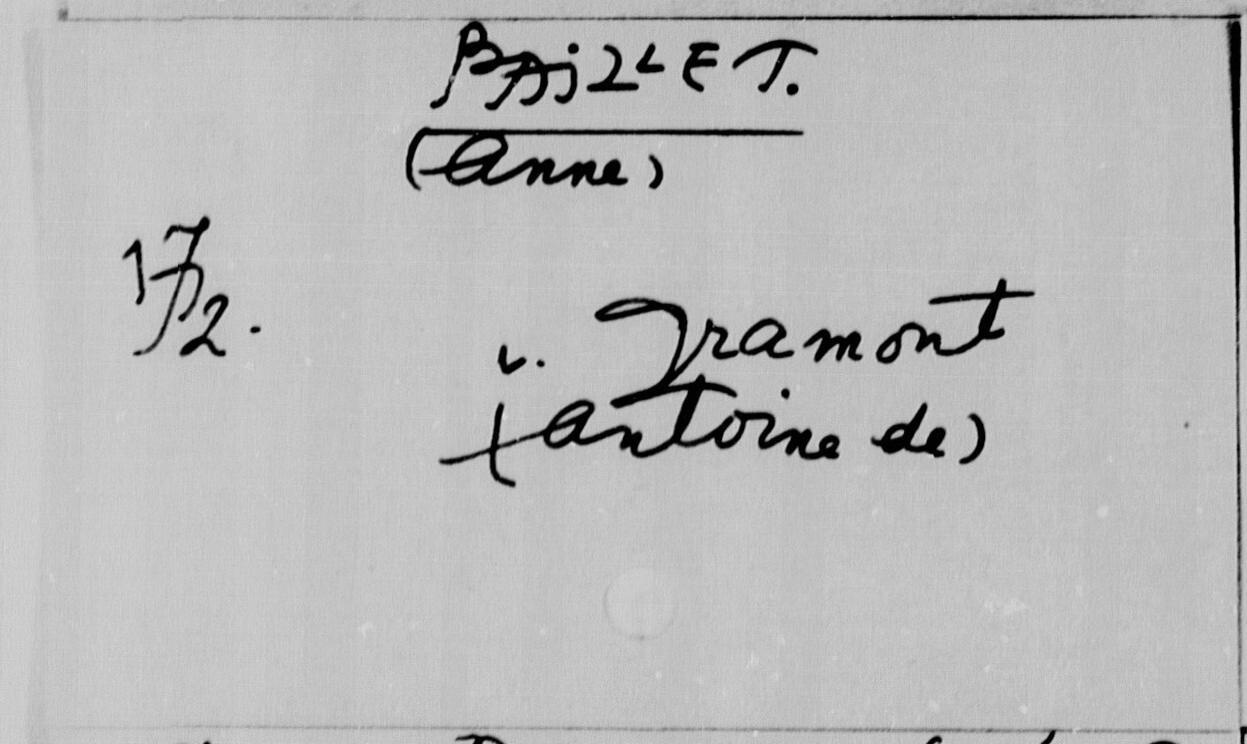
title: BAILLET (Anne)
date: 1712
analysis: Voir GRAMONT (Antoine de)
